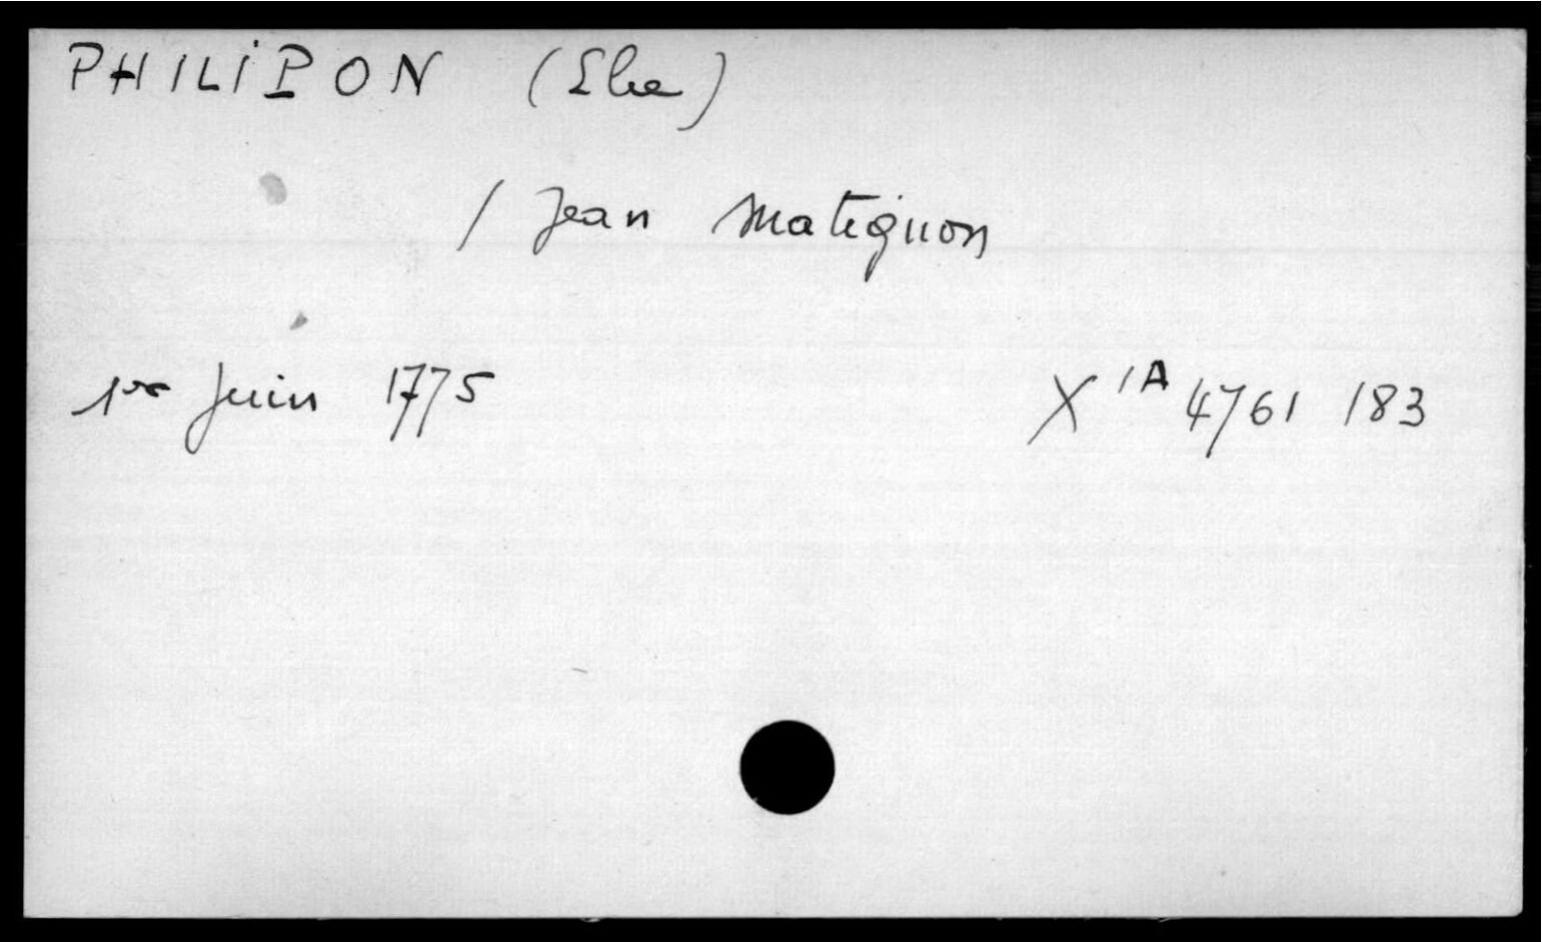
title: PHILIPON (Elie)
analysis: Contre Jean Matignon
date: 1 juin 1775
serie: X1A
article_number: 4761
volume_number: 183
